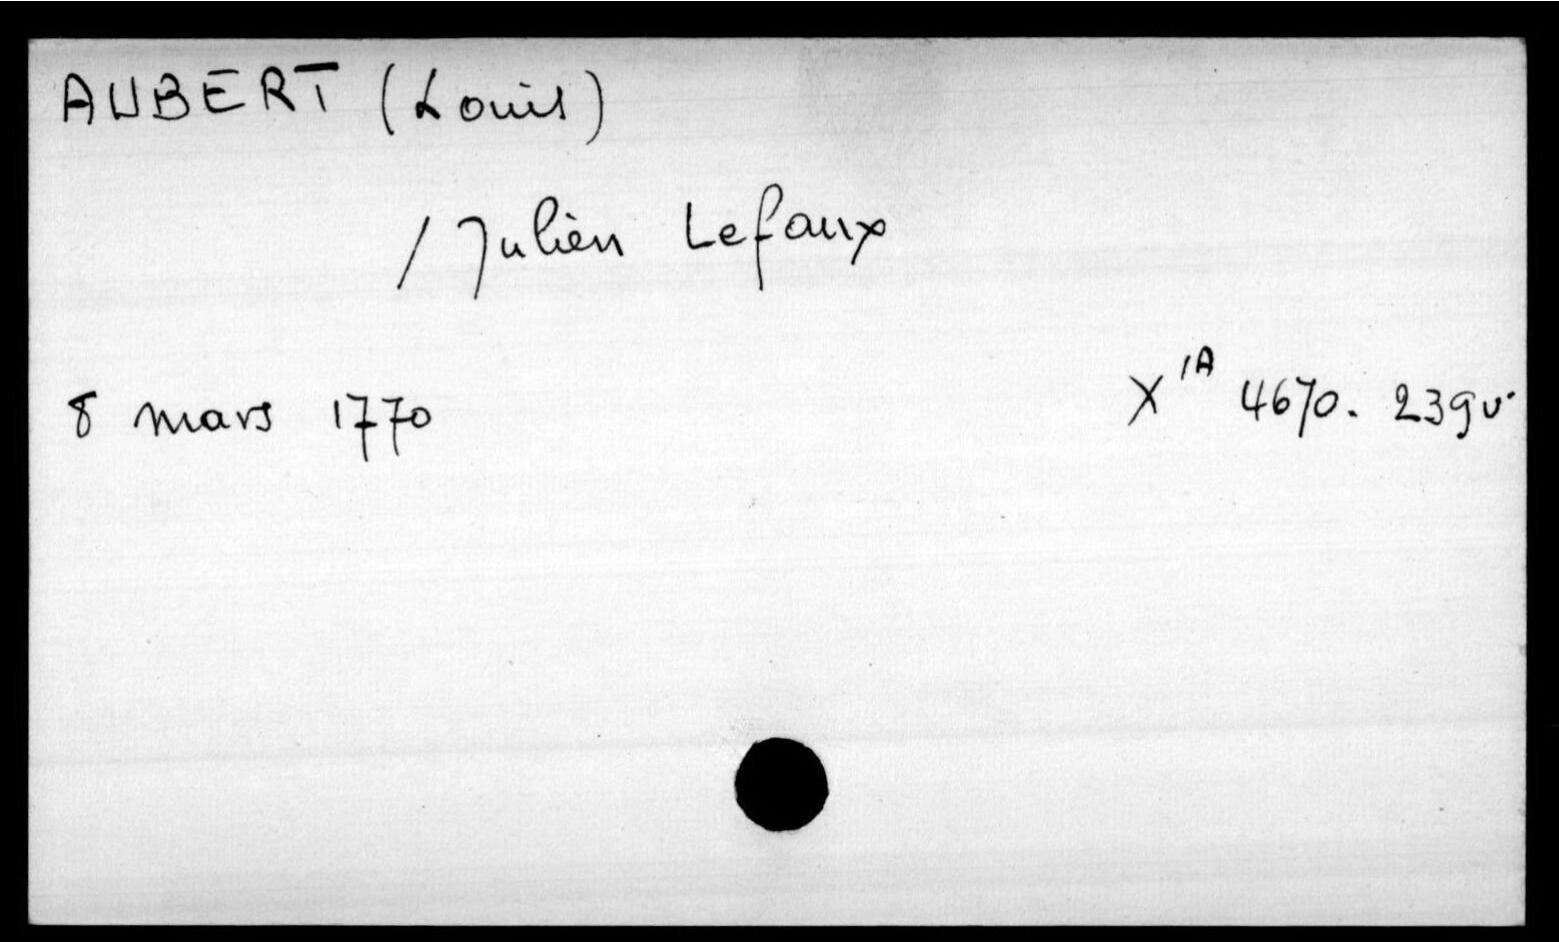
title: AUBERT (Louis)
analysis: Contre Julien Lefaux
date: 8 mars 1770
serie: X1A
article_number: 4670
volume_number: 239v
